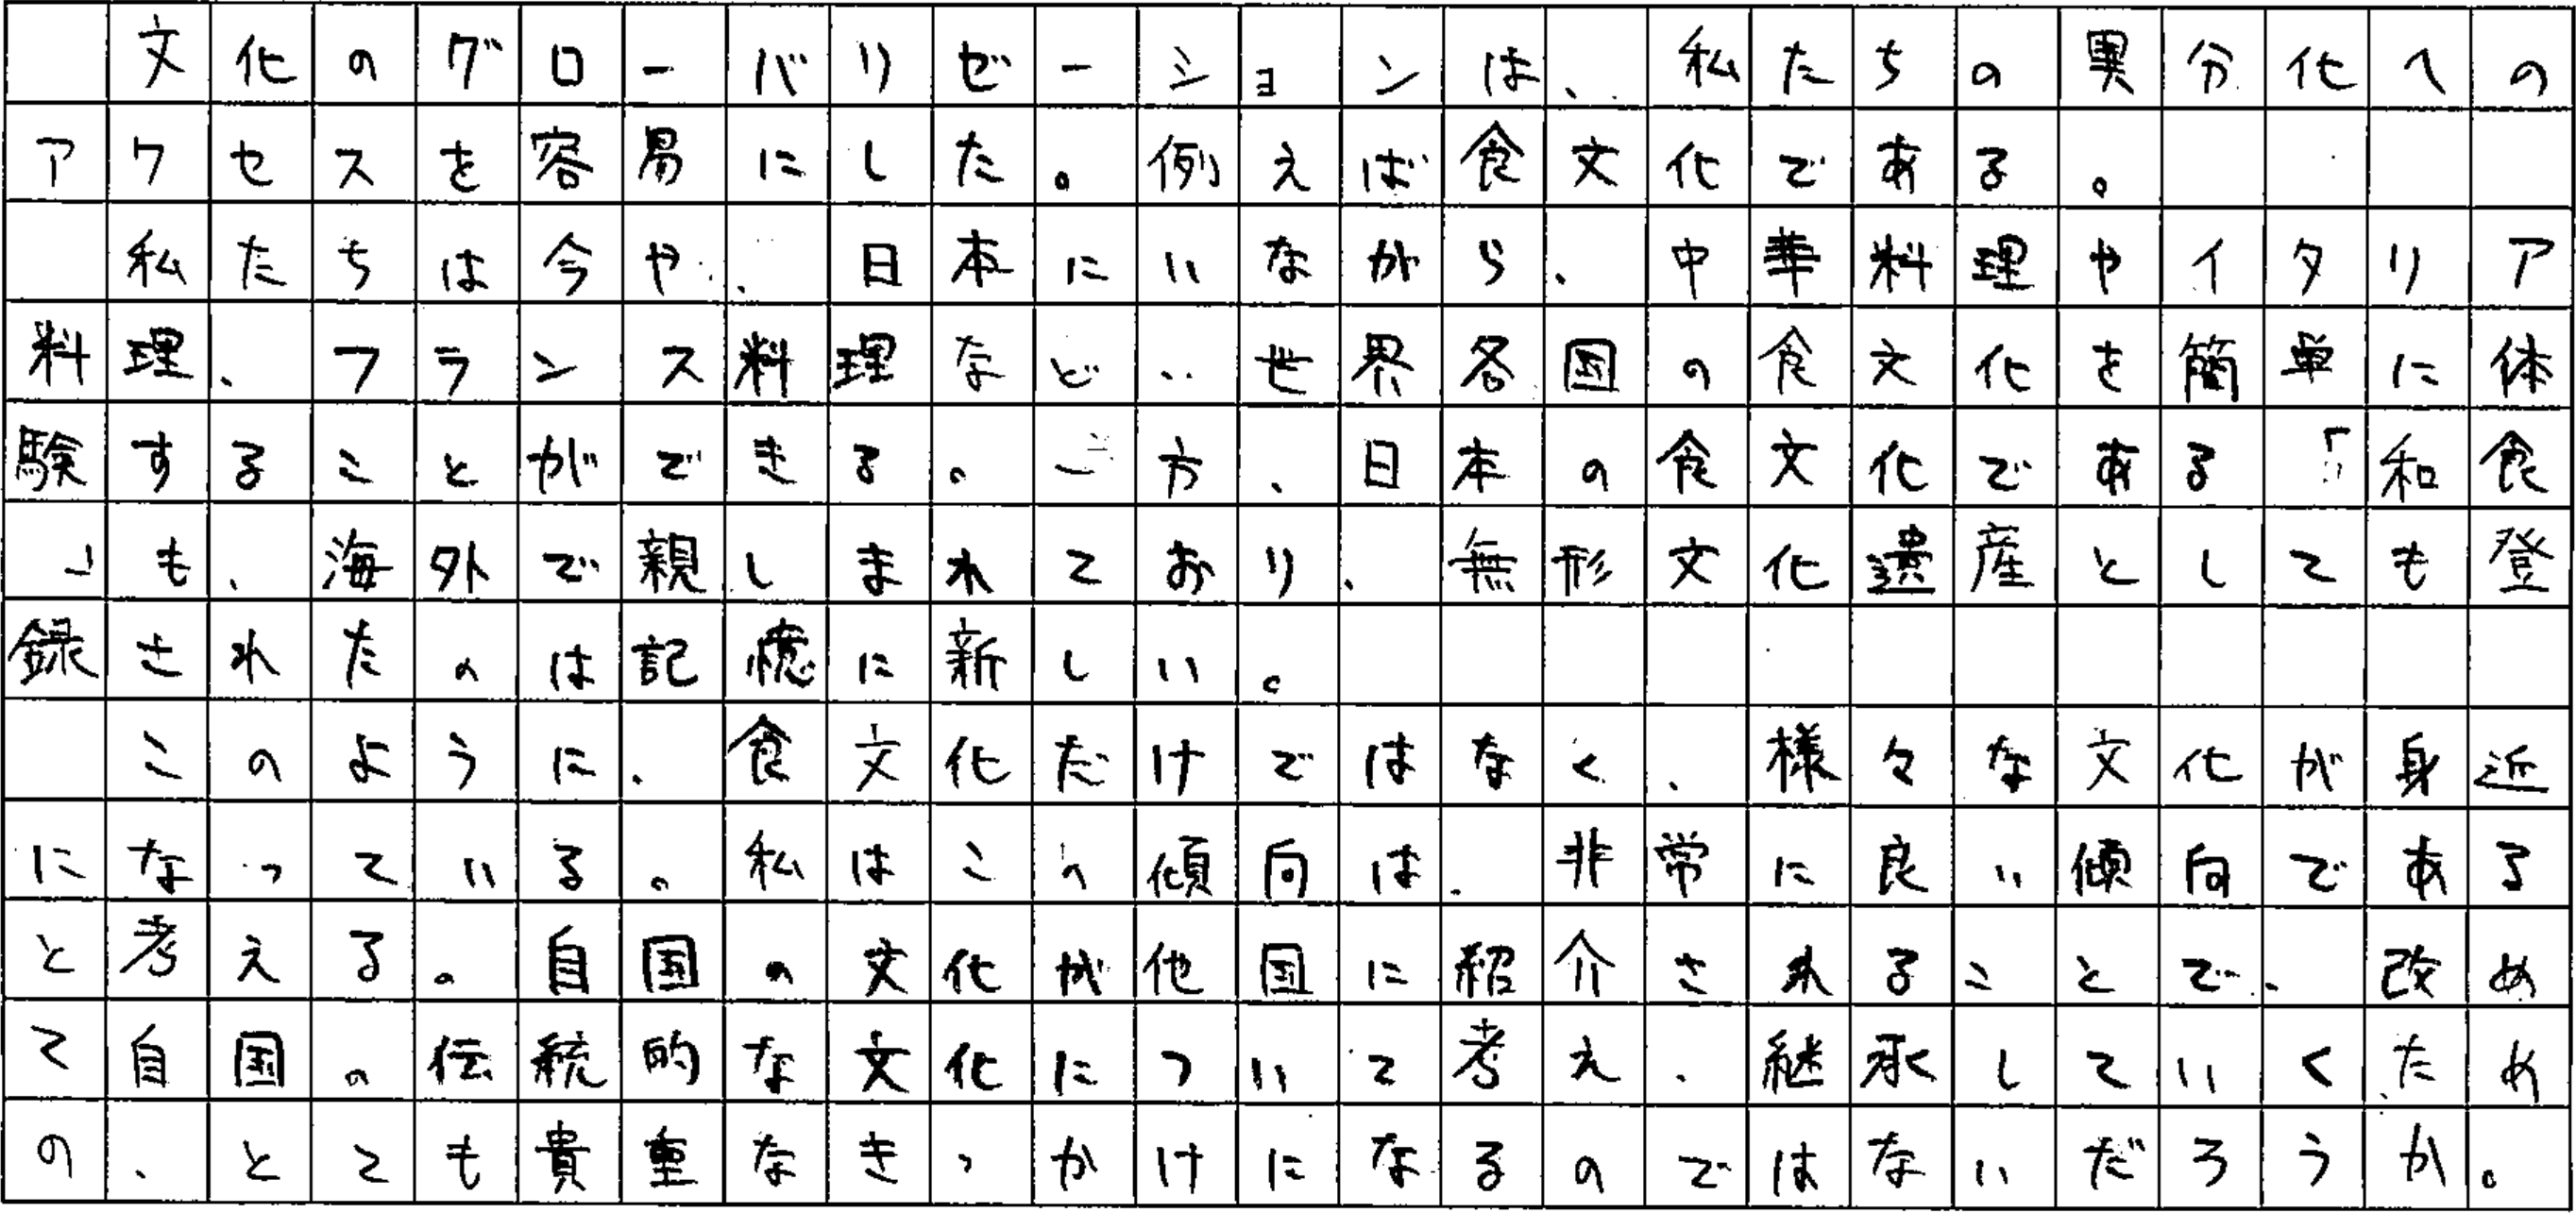　文化のグローバリゼーションは、私たちの異分化へのアクセスを容易にした。例えば食文化である。
　私たちは今や、日本にいながら、中華料理やイタリア料理、フランス料理など、世界各国の食文化を簡単に体験することができる。一方、日本の食文化である「和食」も、海外で親しまれており、無形文化遺産としても登録されたのは記憶に新しい。
　このように、食文化だけではなく、様々な文化が身近になっている。私はこの傾向は、非常に良い傾向であると考える。自国の文化が他国に紹介されることで、改めて自国の伝統的な文化について考え、継承していくための、とても貴重なきっかけになるのではないだろうか。
